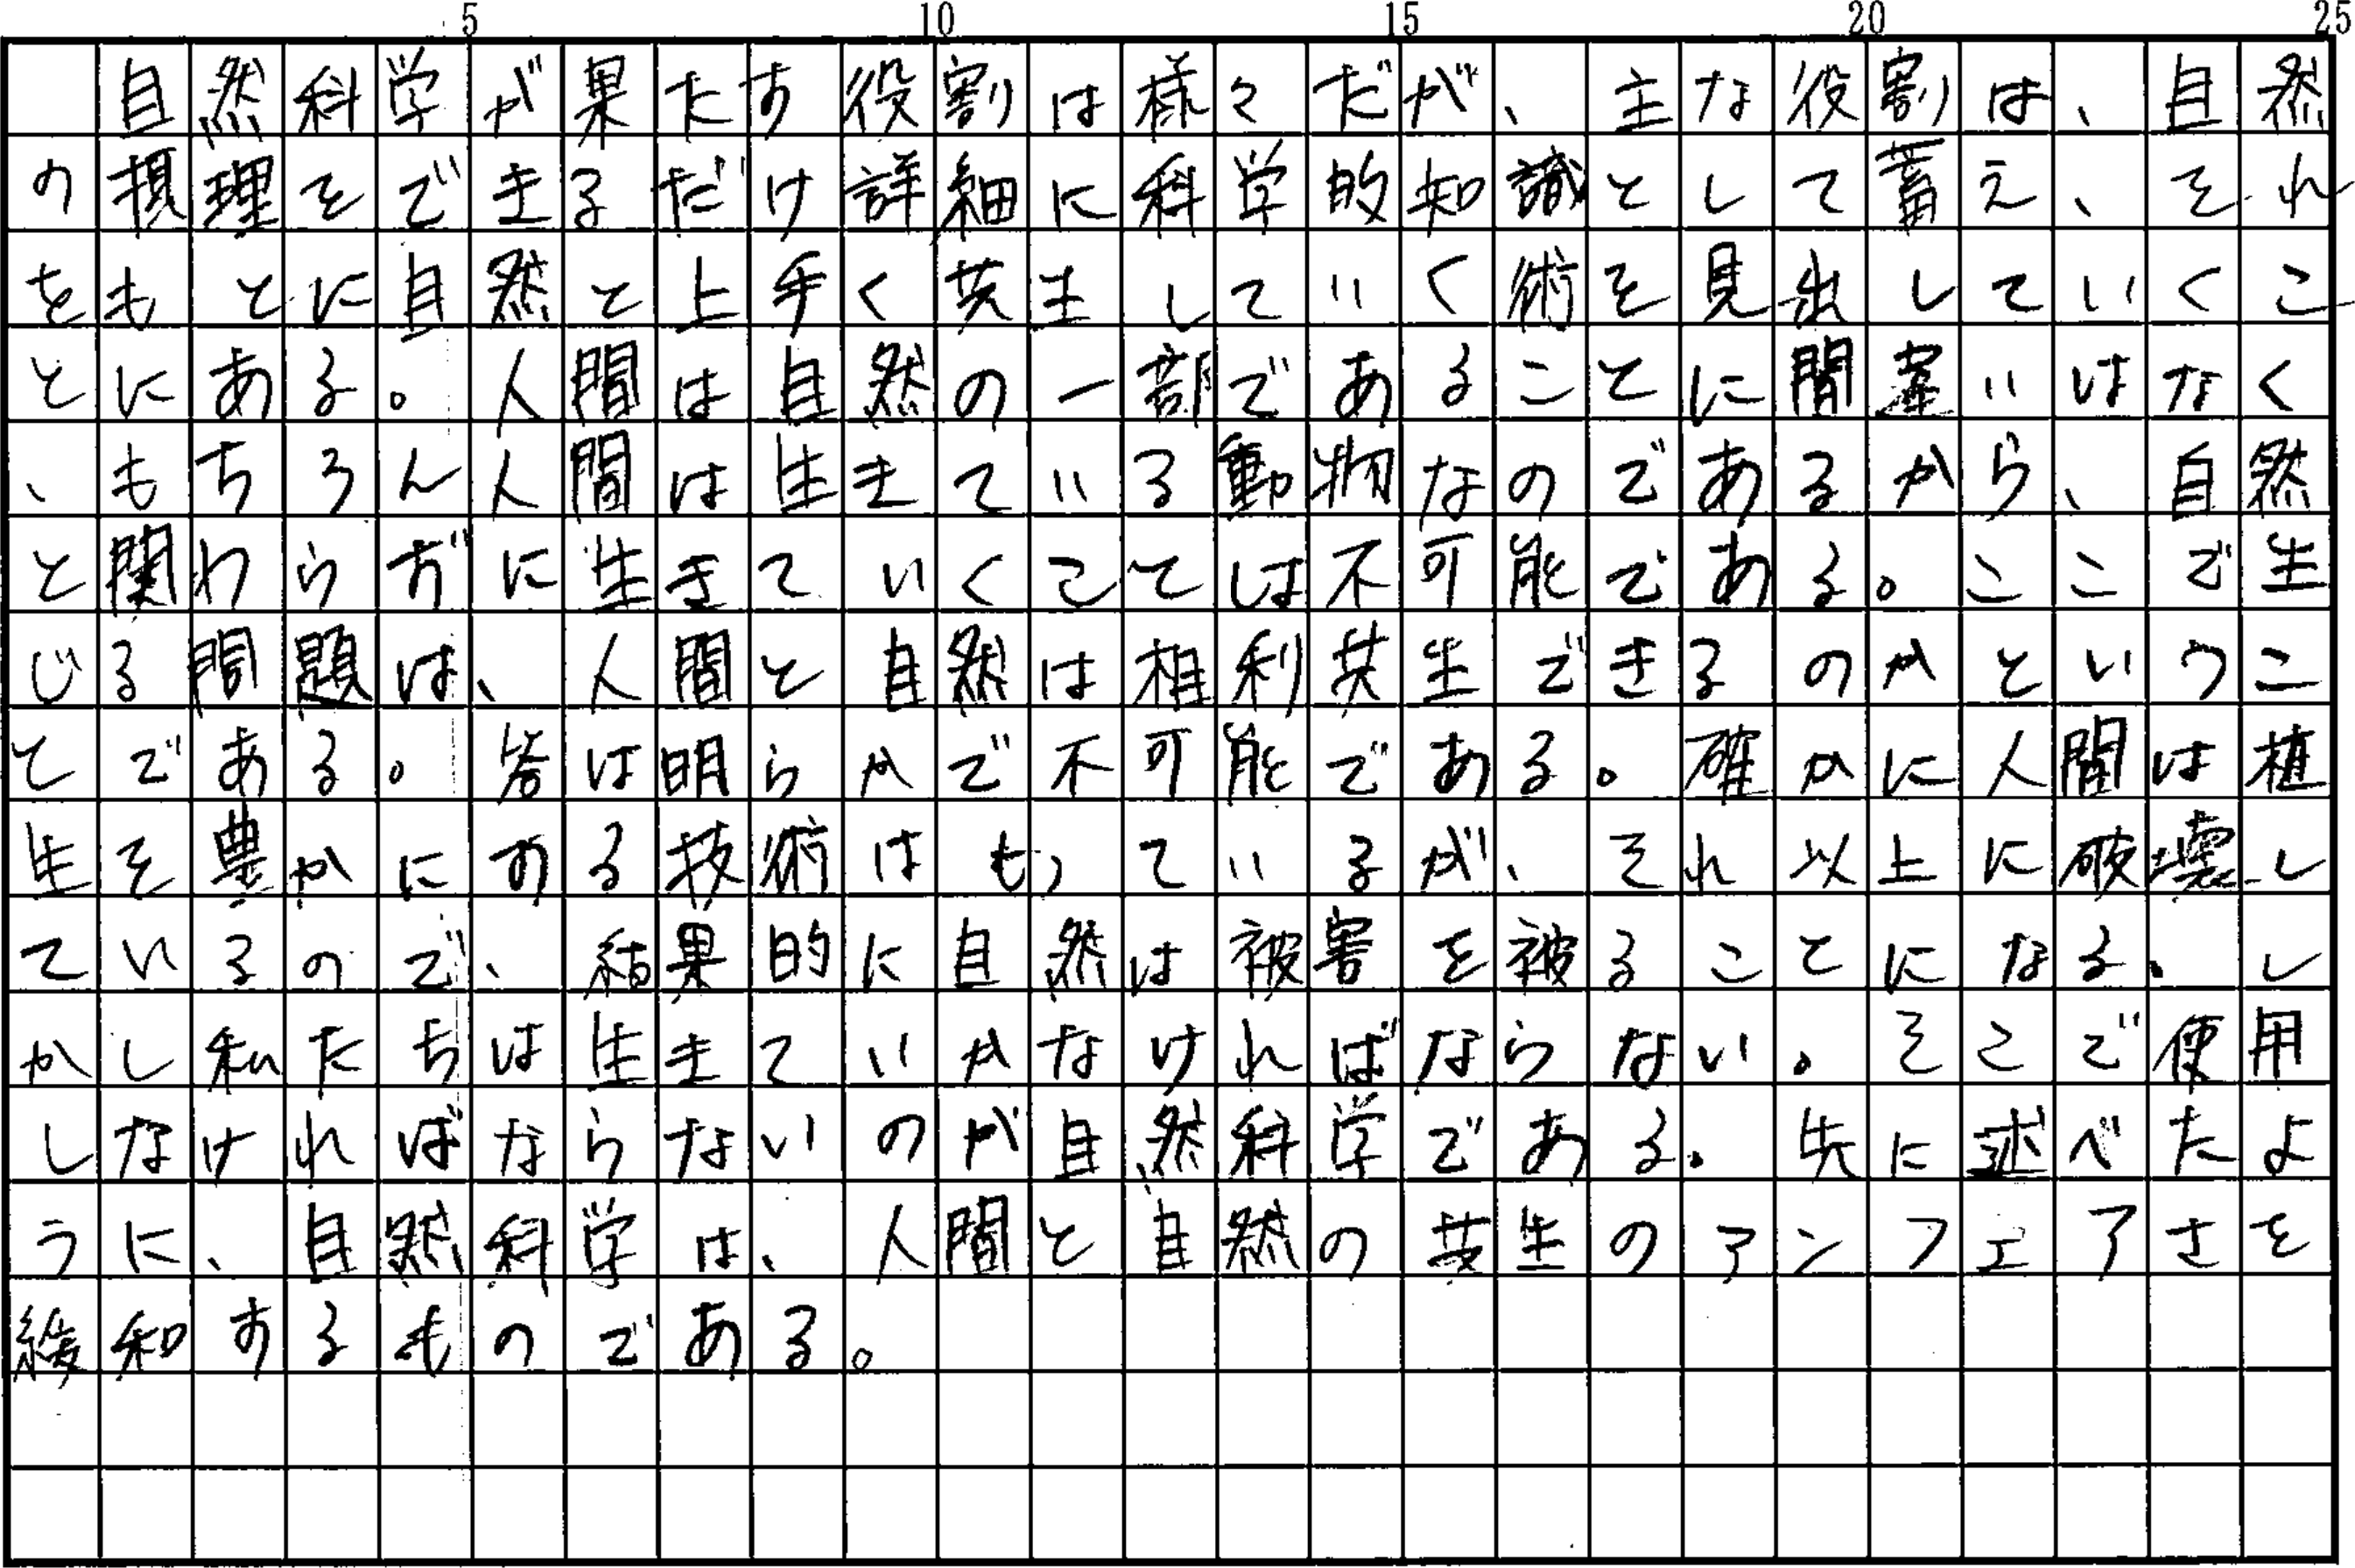　自然科学が果たす役割は様々だが、主な役割は、自然の摂理をできるだけ詳細に科学的知識として蓄え、それをもとに自然と上手く共生していく術を見出していくことにある。人間は自然の一部であることに間違いはなく、もちろん人間は生きている動物なのであるから、自然と関わらずに生きていくことは不可能である。ここで生じる問題は、人間と自然は相利共生できるのかということである。答は明らかで不可能である。確かに人間は植生を豊かにする技術はもっているが、それ以上に破壊しているので、結果的に自然は被害を被ることになる。しかし私たちは生きていかなければならない。そこで使用しなければならないのが自然科学である。先に述べたように、自然科学は、人間と自然の共生のアンフェアさを緩和するものである。
